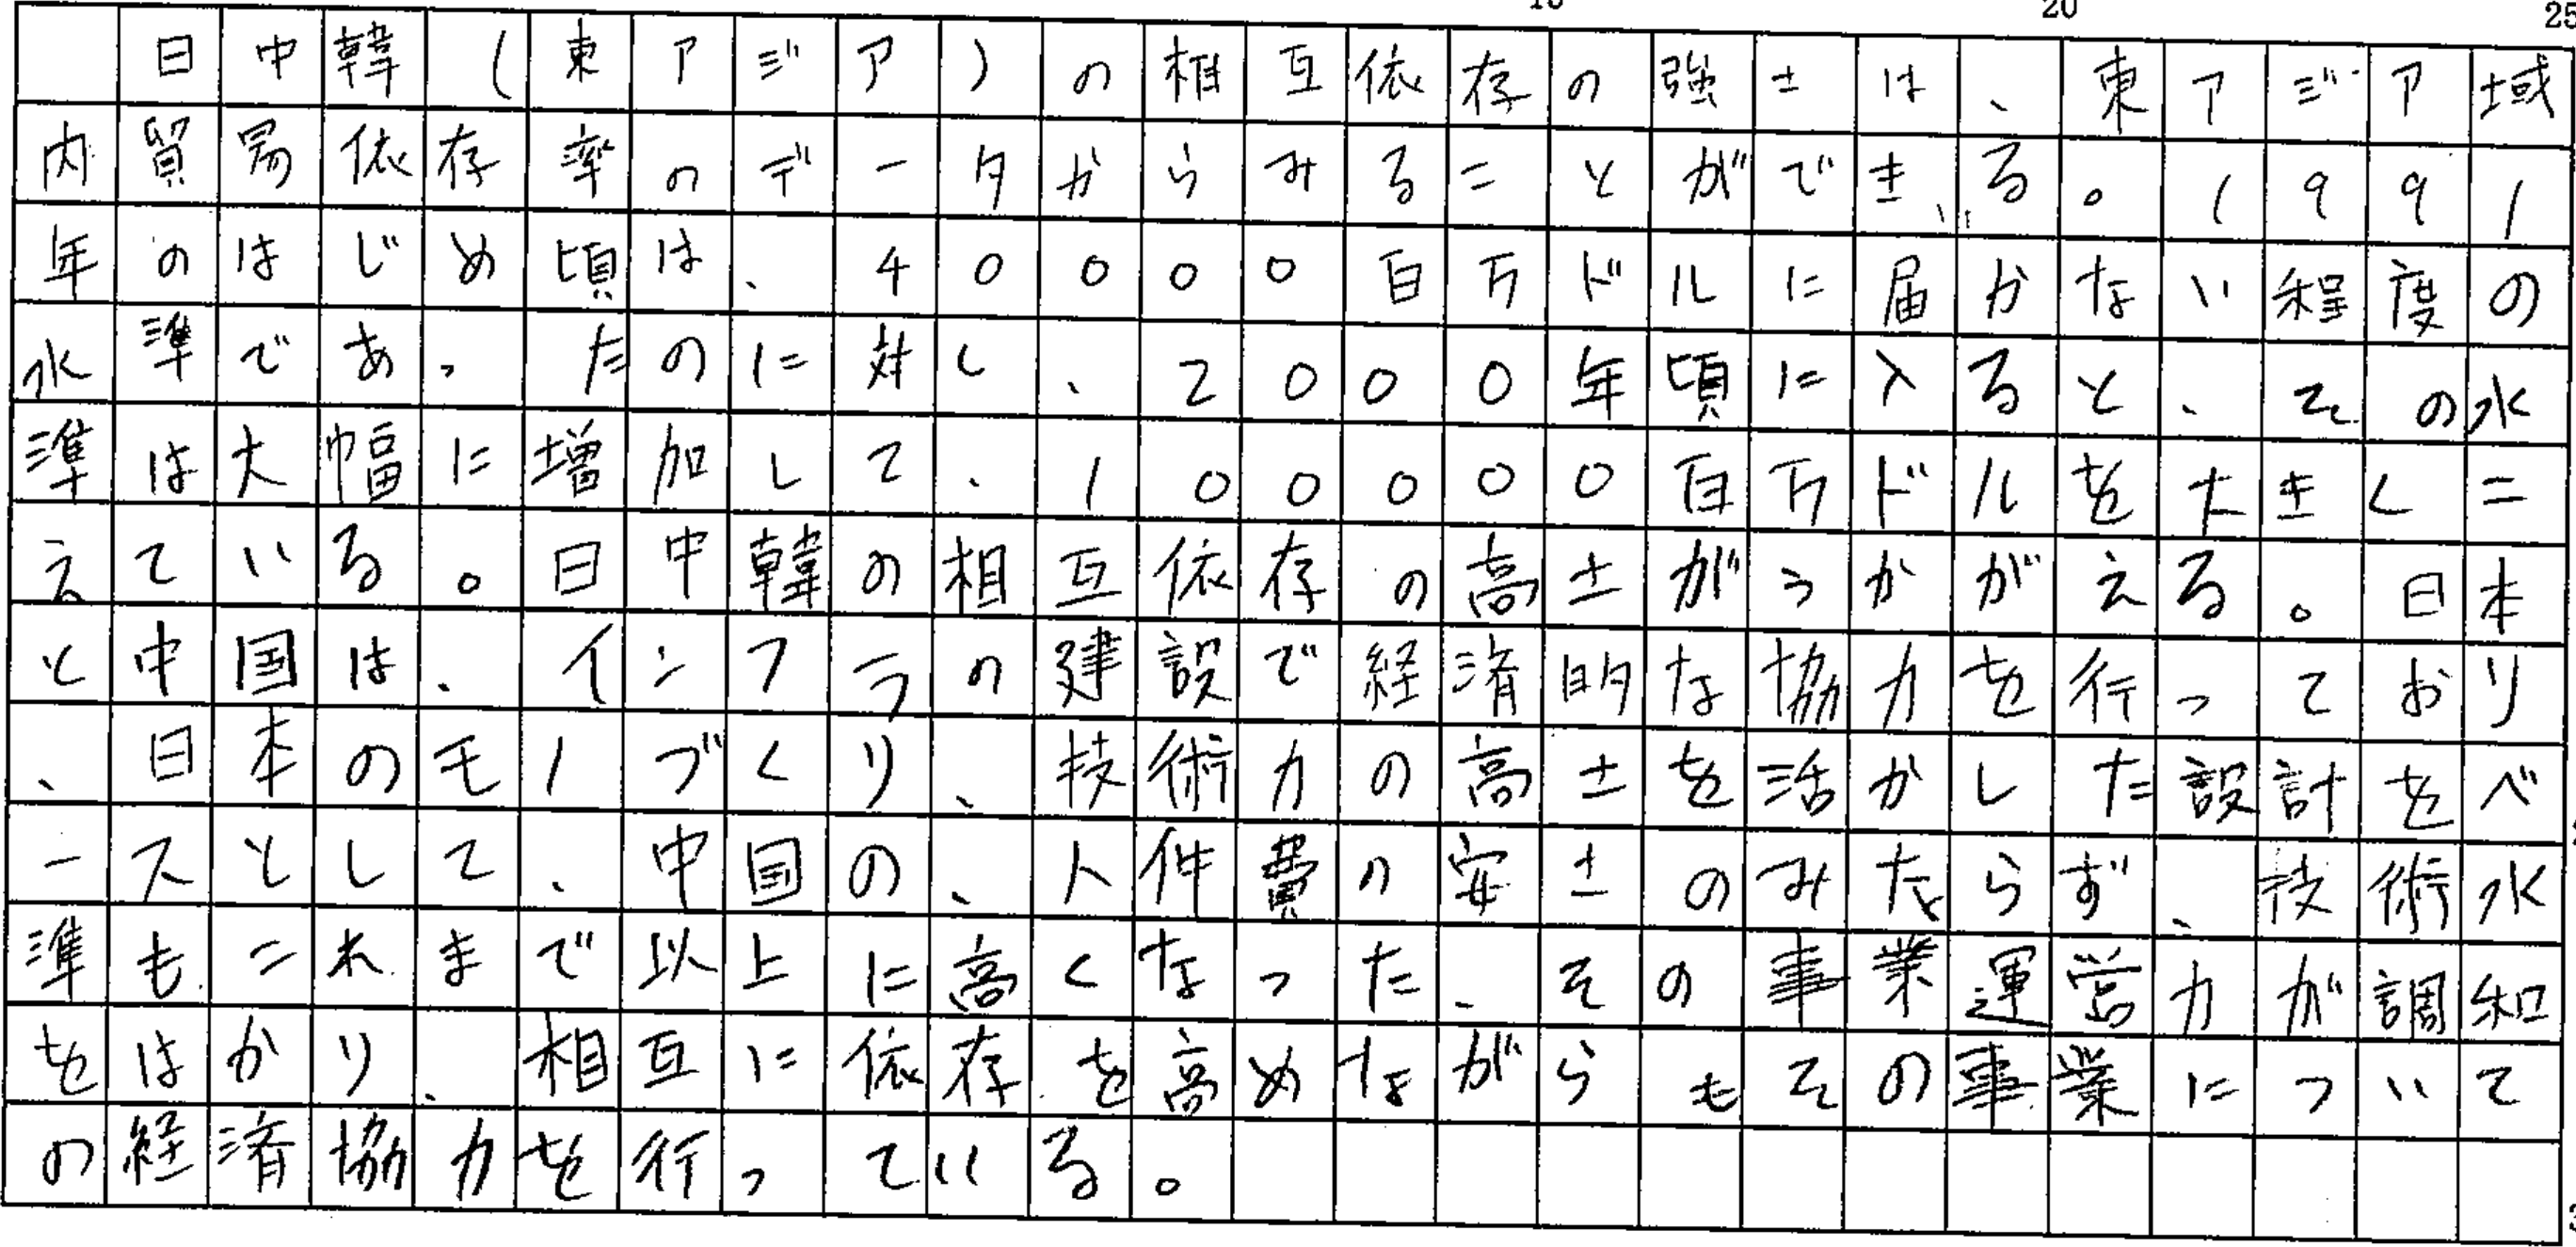　日中韓（東アジア）の相互依存の強さは、東アジア域内貿易依存率のデータからみることができる。１９９１年のはじめ頃は、４００００百万ドルに届かない程度の水準であったのに対し、２０００年頃に入ると、その水準は大幅に増加して、１０００００百万ドルを大きくこえている。日中韓の相互依存の高さがうかがえる。日本と中国は、インフラの建設で経済的な協力を行っており、日本のモノづくり、技術力の高さを活かした設計をベースとして、中国の、人件費の安さのみならず、技術水準もこれまで以上に高くなった、その事業運営力が調和をはかり、相互に依存を高めながらもその事業についての経済協力を行っている。
